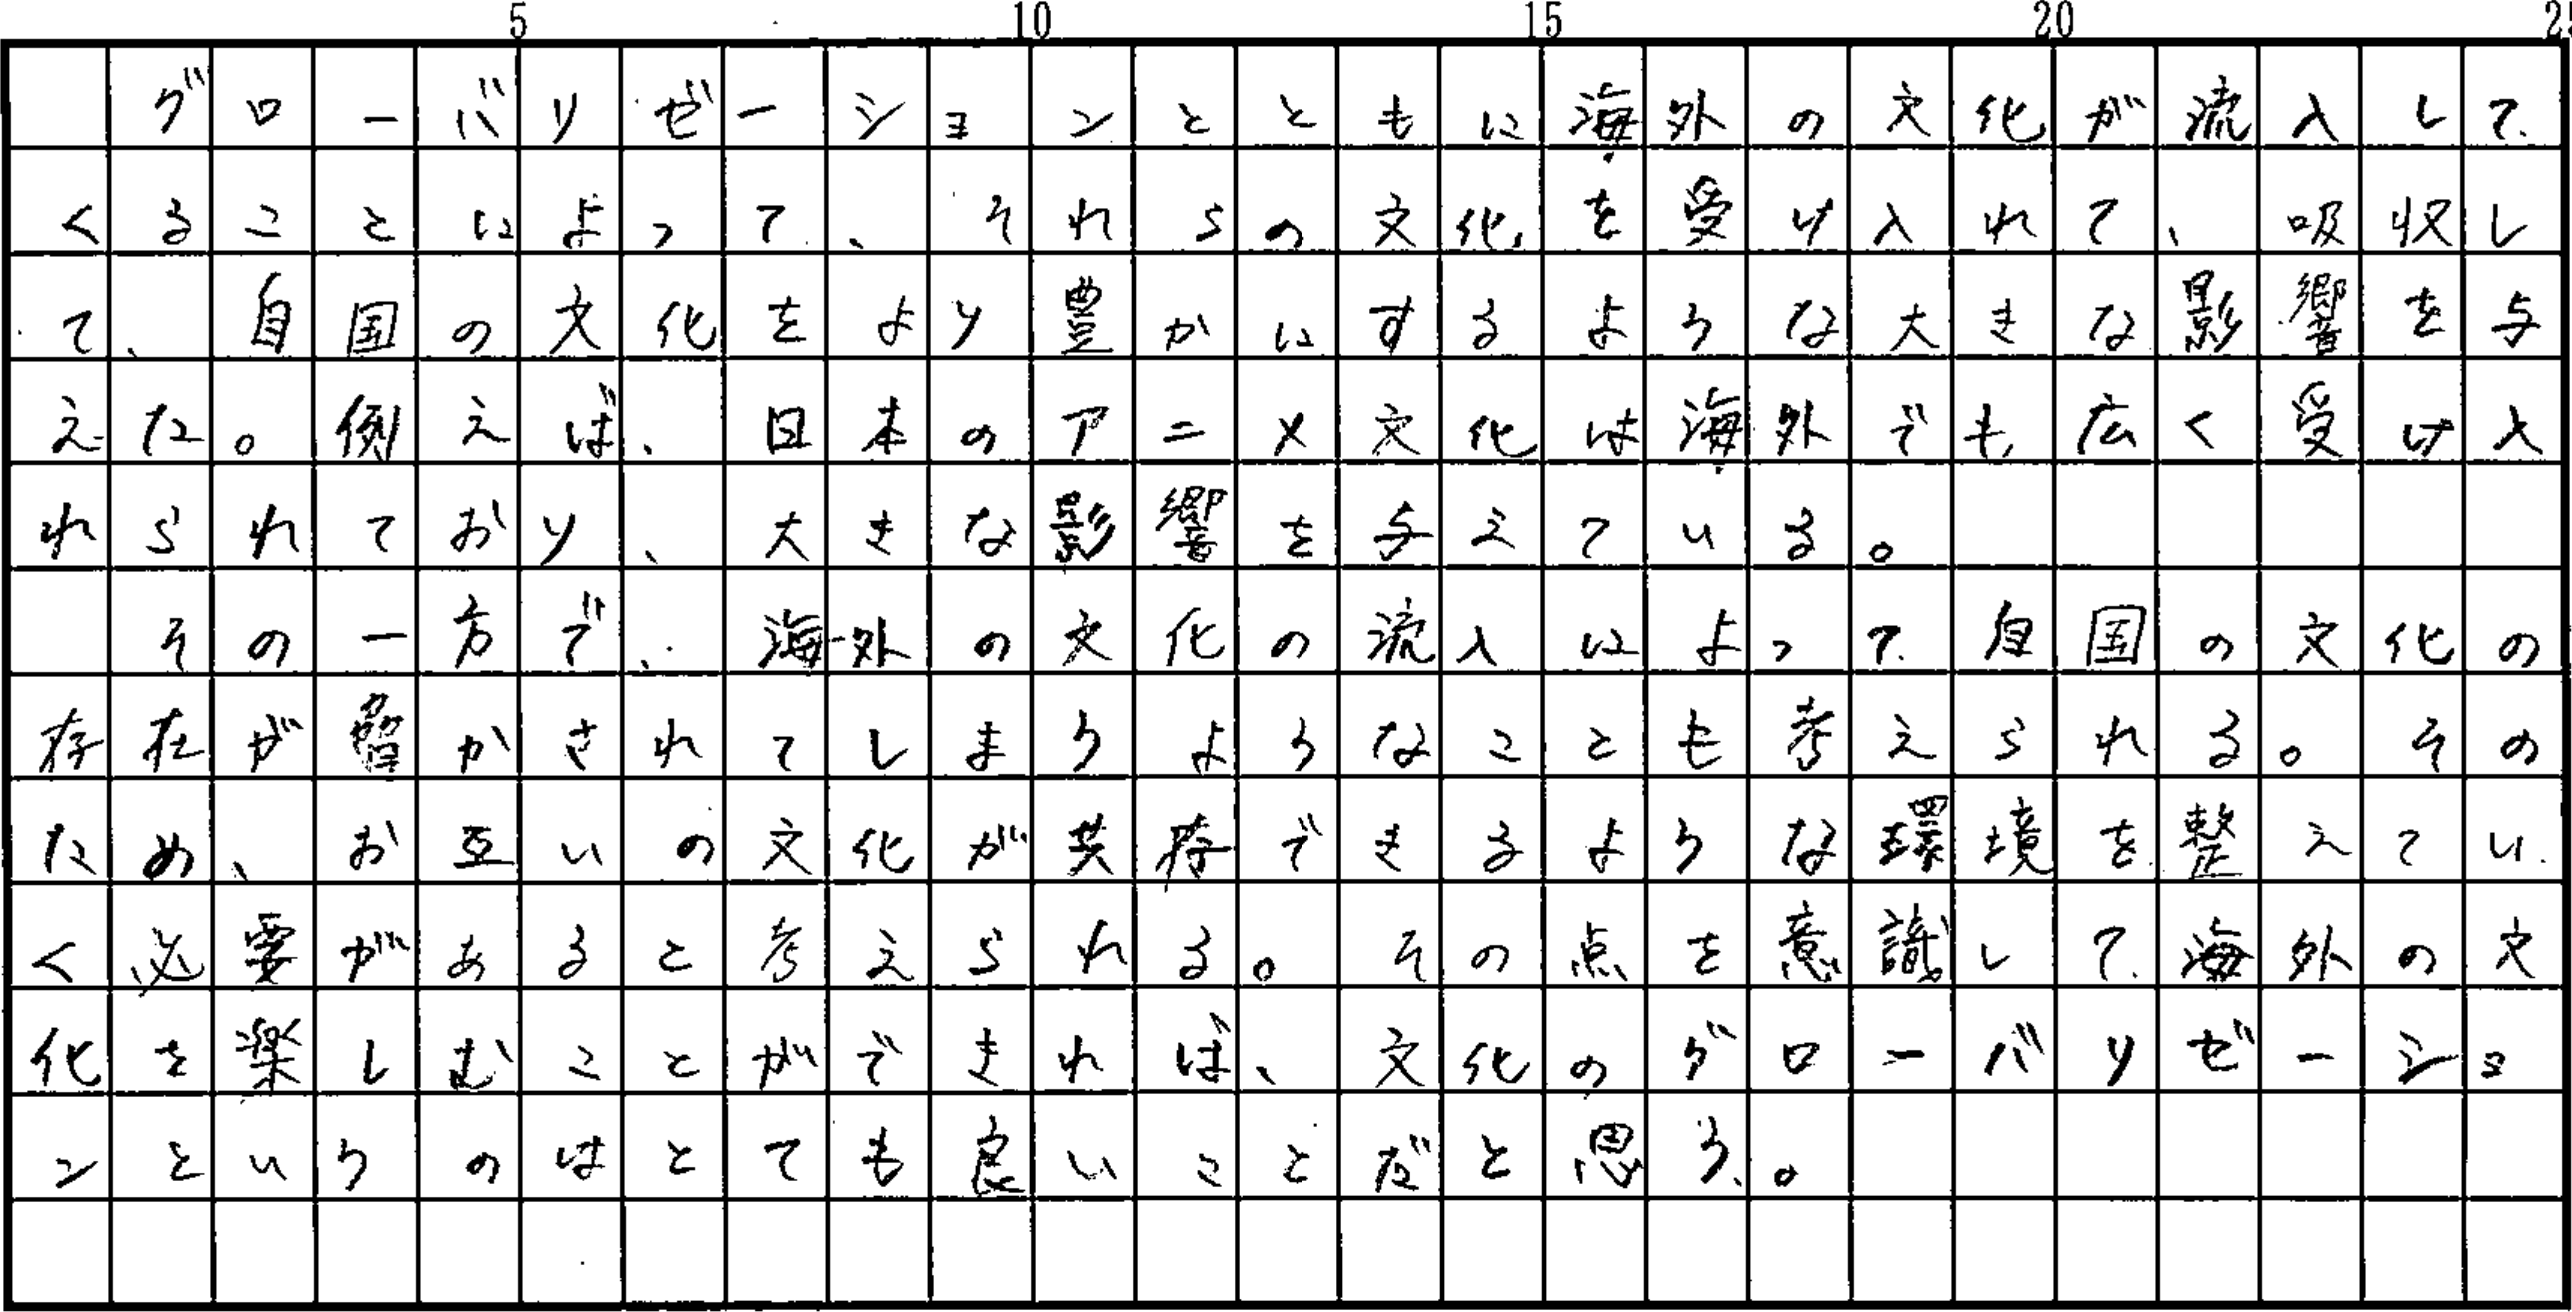　グローバリゼーションとともに海外の文化が流入してくることによって、それらの文化を受け入れて、吸収して、自国の文化をより豊かにするような大きな影響を与えた。例えば、日本のアニメ文化は海外でも広く受け入れられており、大きな影響を与えている。
　その一方で、海外の文化の流入によって自国の文化の存在が脅かされてしまうようなことも考えられる。そのため、お互いの文化が共存できるような環境を整えていく必要があると考えられる。その点を意識して海外の文化を楽しむことができれば、文化のグローバリゼーションというのはとても良いことだと思う。
